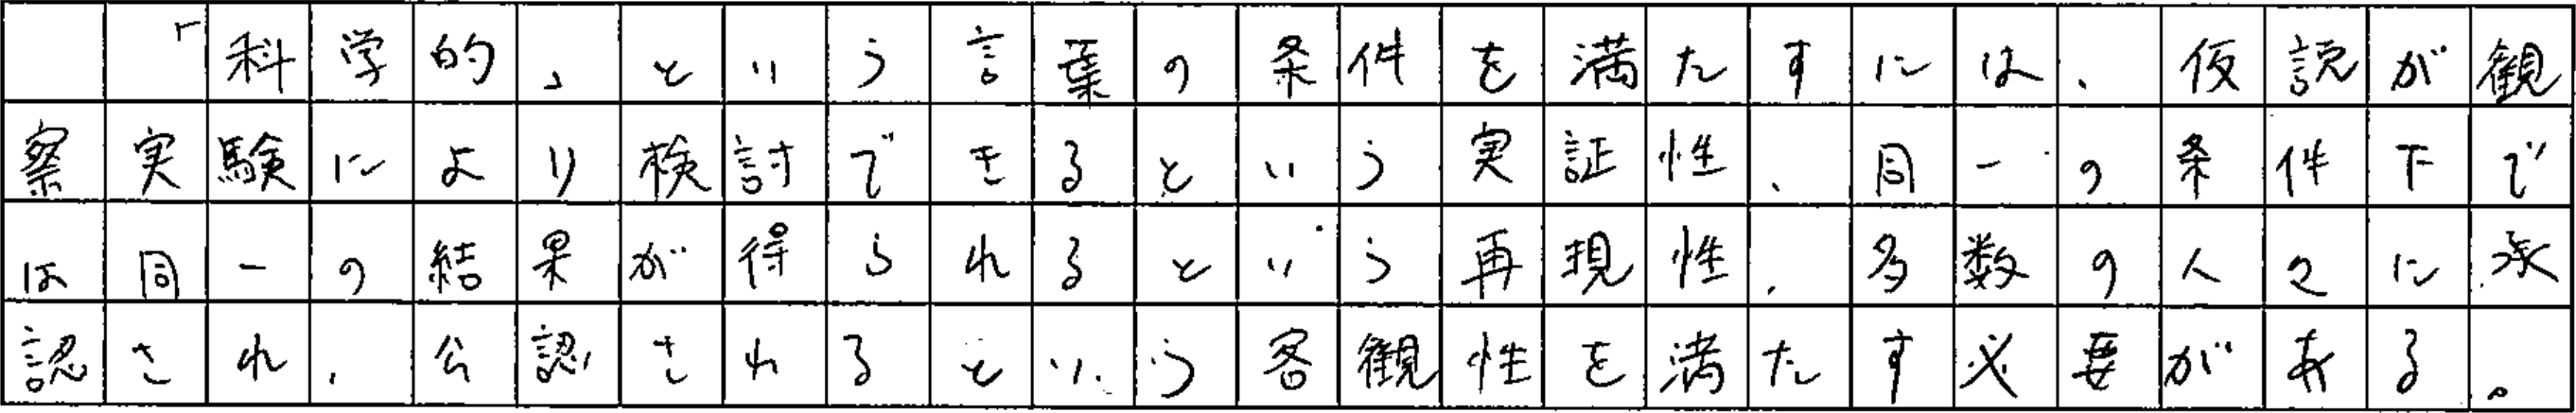　「科学的」という言葉の条件を満たすには、仮説が観察実験により検討できるという実証性、同一の条件下では同一の結果が得られるという再現性、多数の人々に承認され、公認されるという客観性を満たす必要がある。
